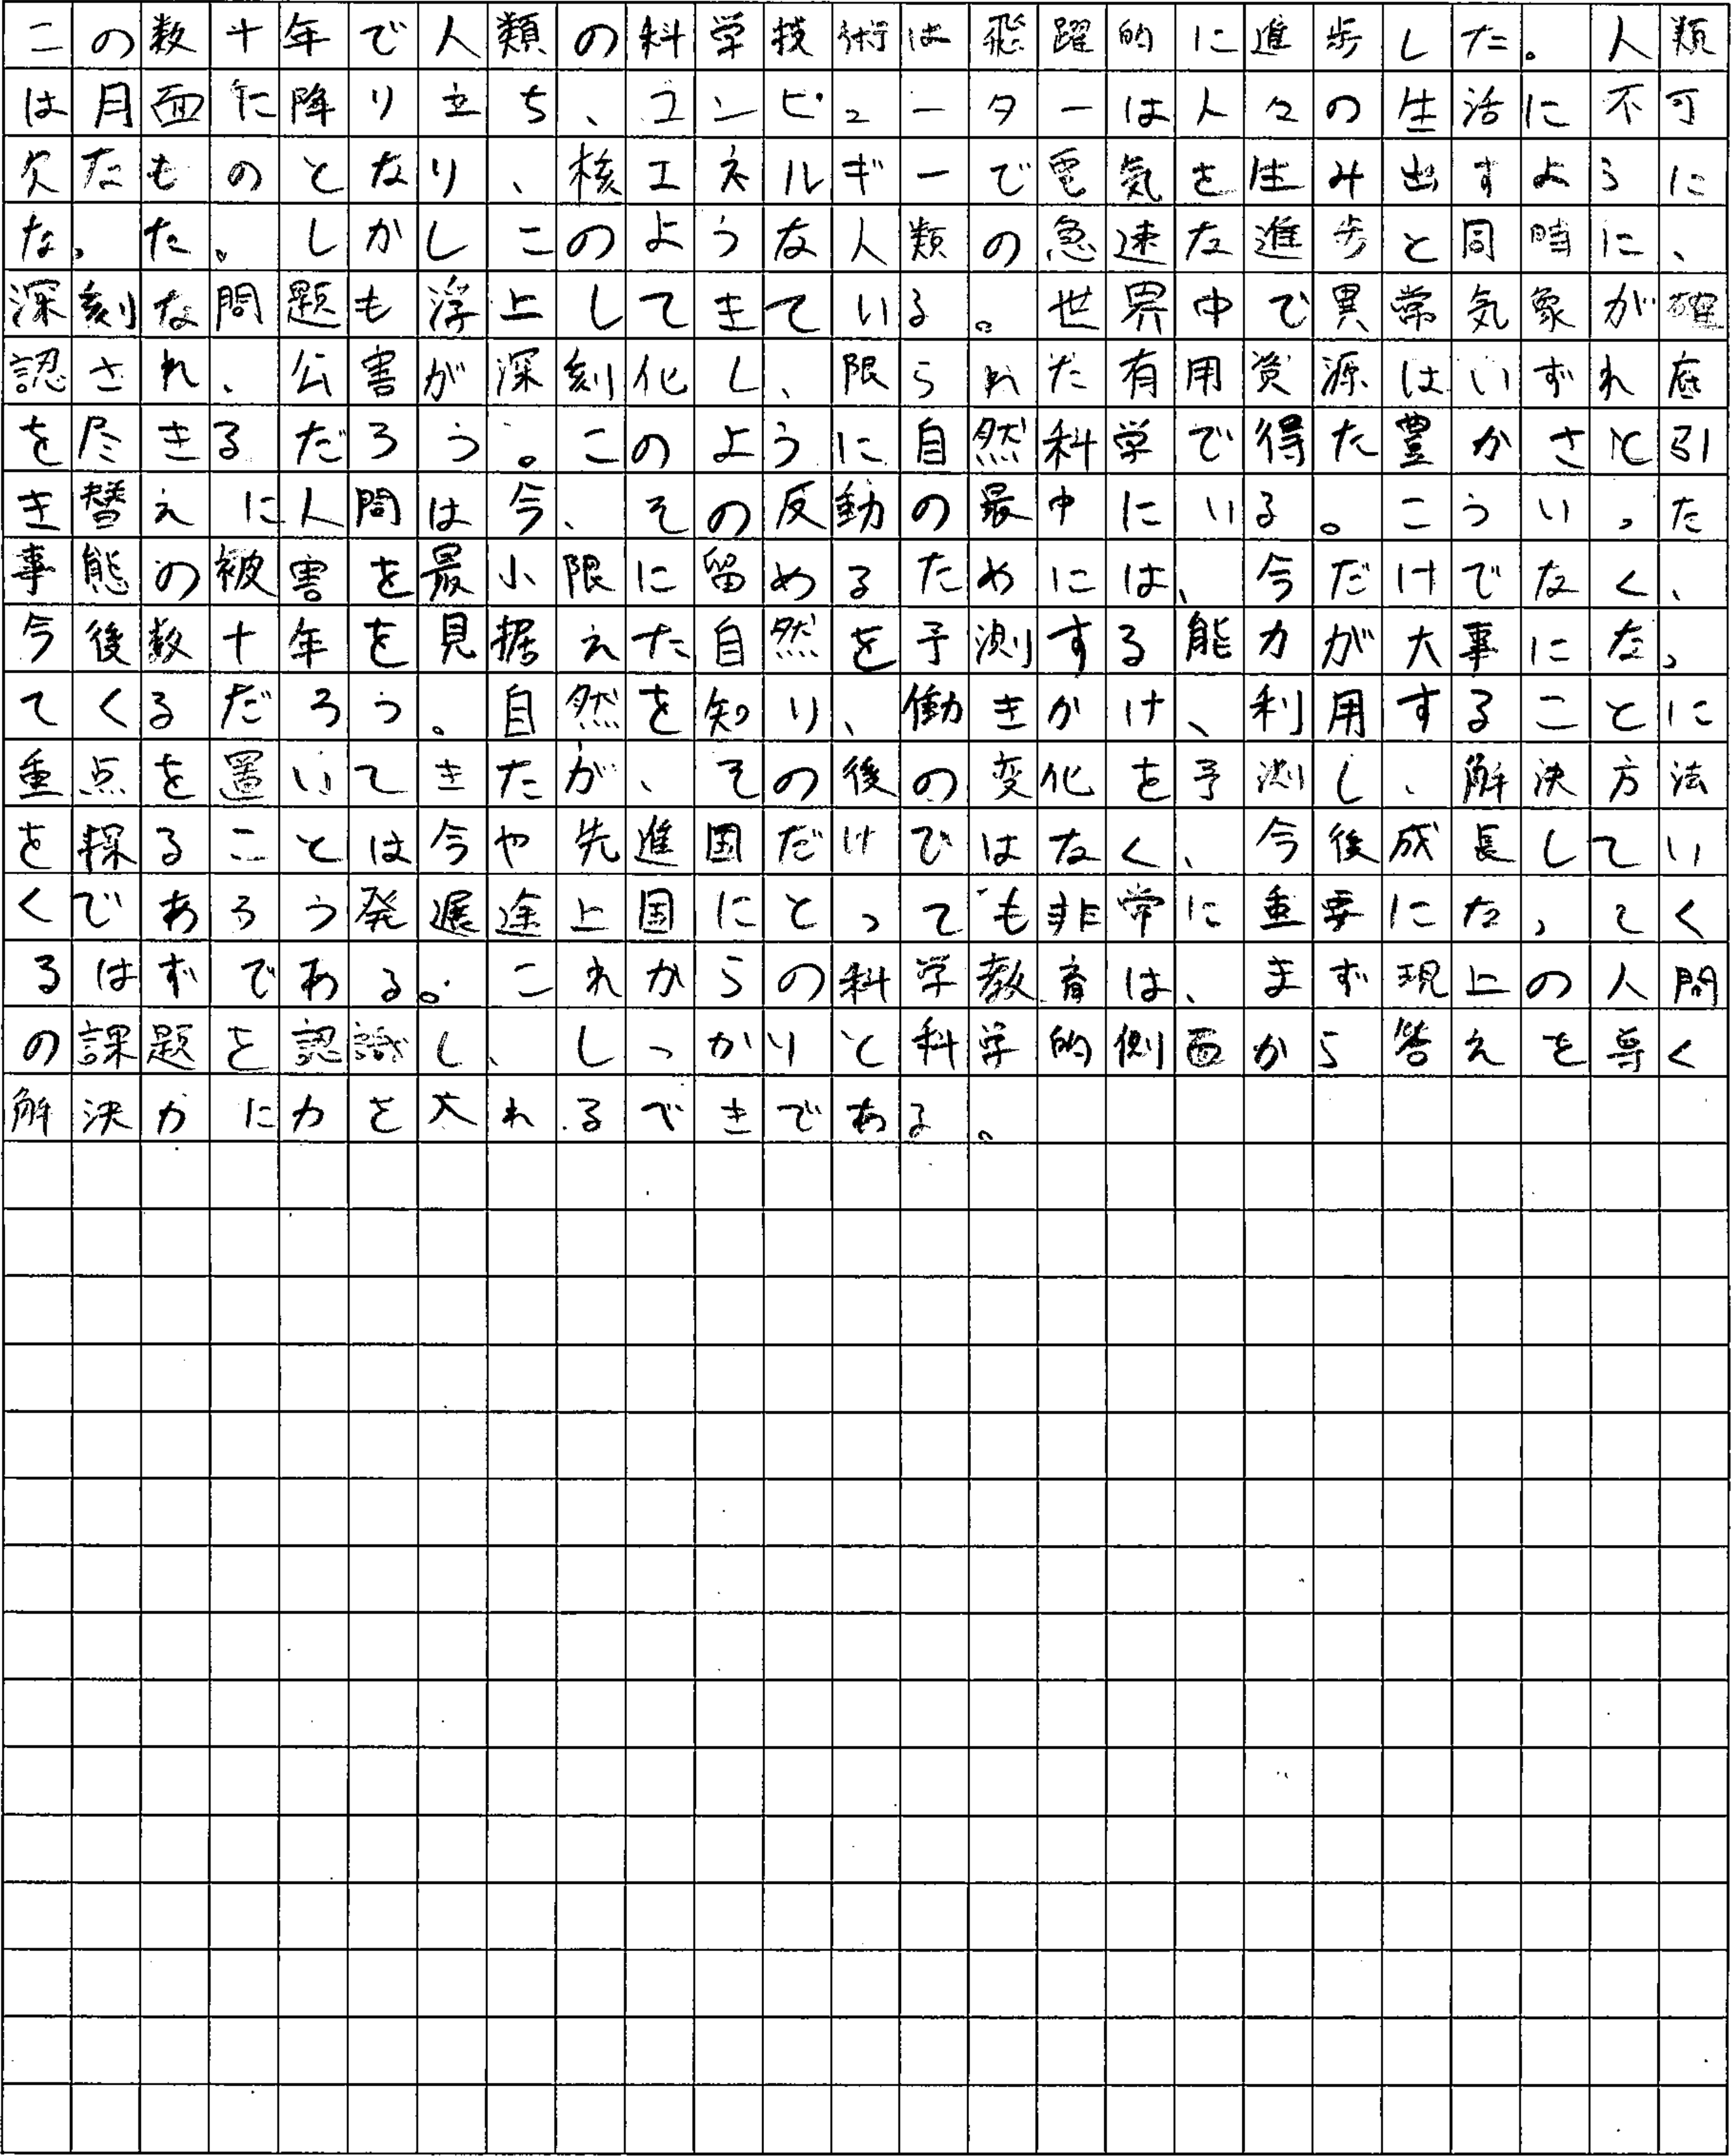この数十年で人類の科学技術は飛躍的に進歩した。人類は月面に降り立ち、コンピューターは人々の生活に不可欠なものとなり、核エネルギーで電気を生み出すようになった。しかしこのような人類の急速な進歩と同時に、深刻な問題も浮上してきている。世界中で異常気象が確認され、公害が深刻化し、限られた有用資源はいずれ底を尽きるだろう。このように自然科学で得た豊かさと引き替えに人間は今、その反動の最中にいる。こういった事態の被害を最小限に留めるためには、今だけでなく、今後数十年を見据えた自然を予測する能力が大事になってくるだろう。自然を知り、働きかけ、利用することに重点を置いてきたが、その後の変化を予測し、解決方法を探ることは今や先進国だけではなく、今後成長していくであろう発展途上国にとっても非常に重要になってくるはずである。これからの科学教育は、まず現上の人間の課題を認識し、しっかりと科学的側面から答えを導く解決力に力を入れるべきである。
